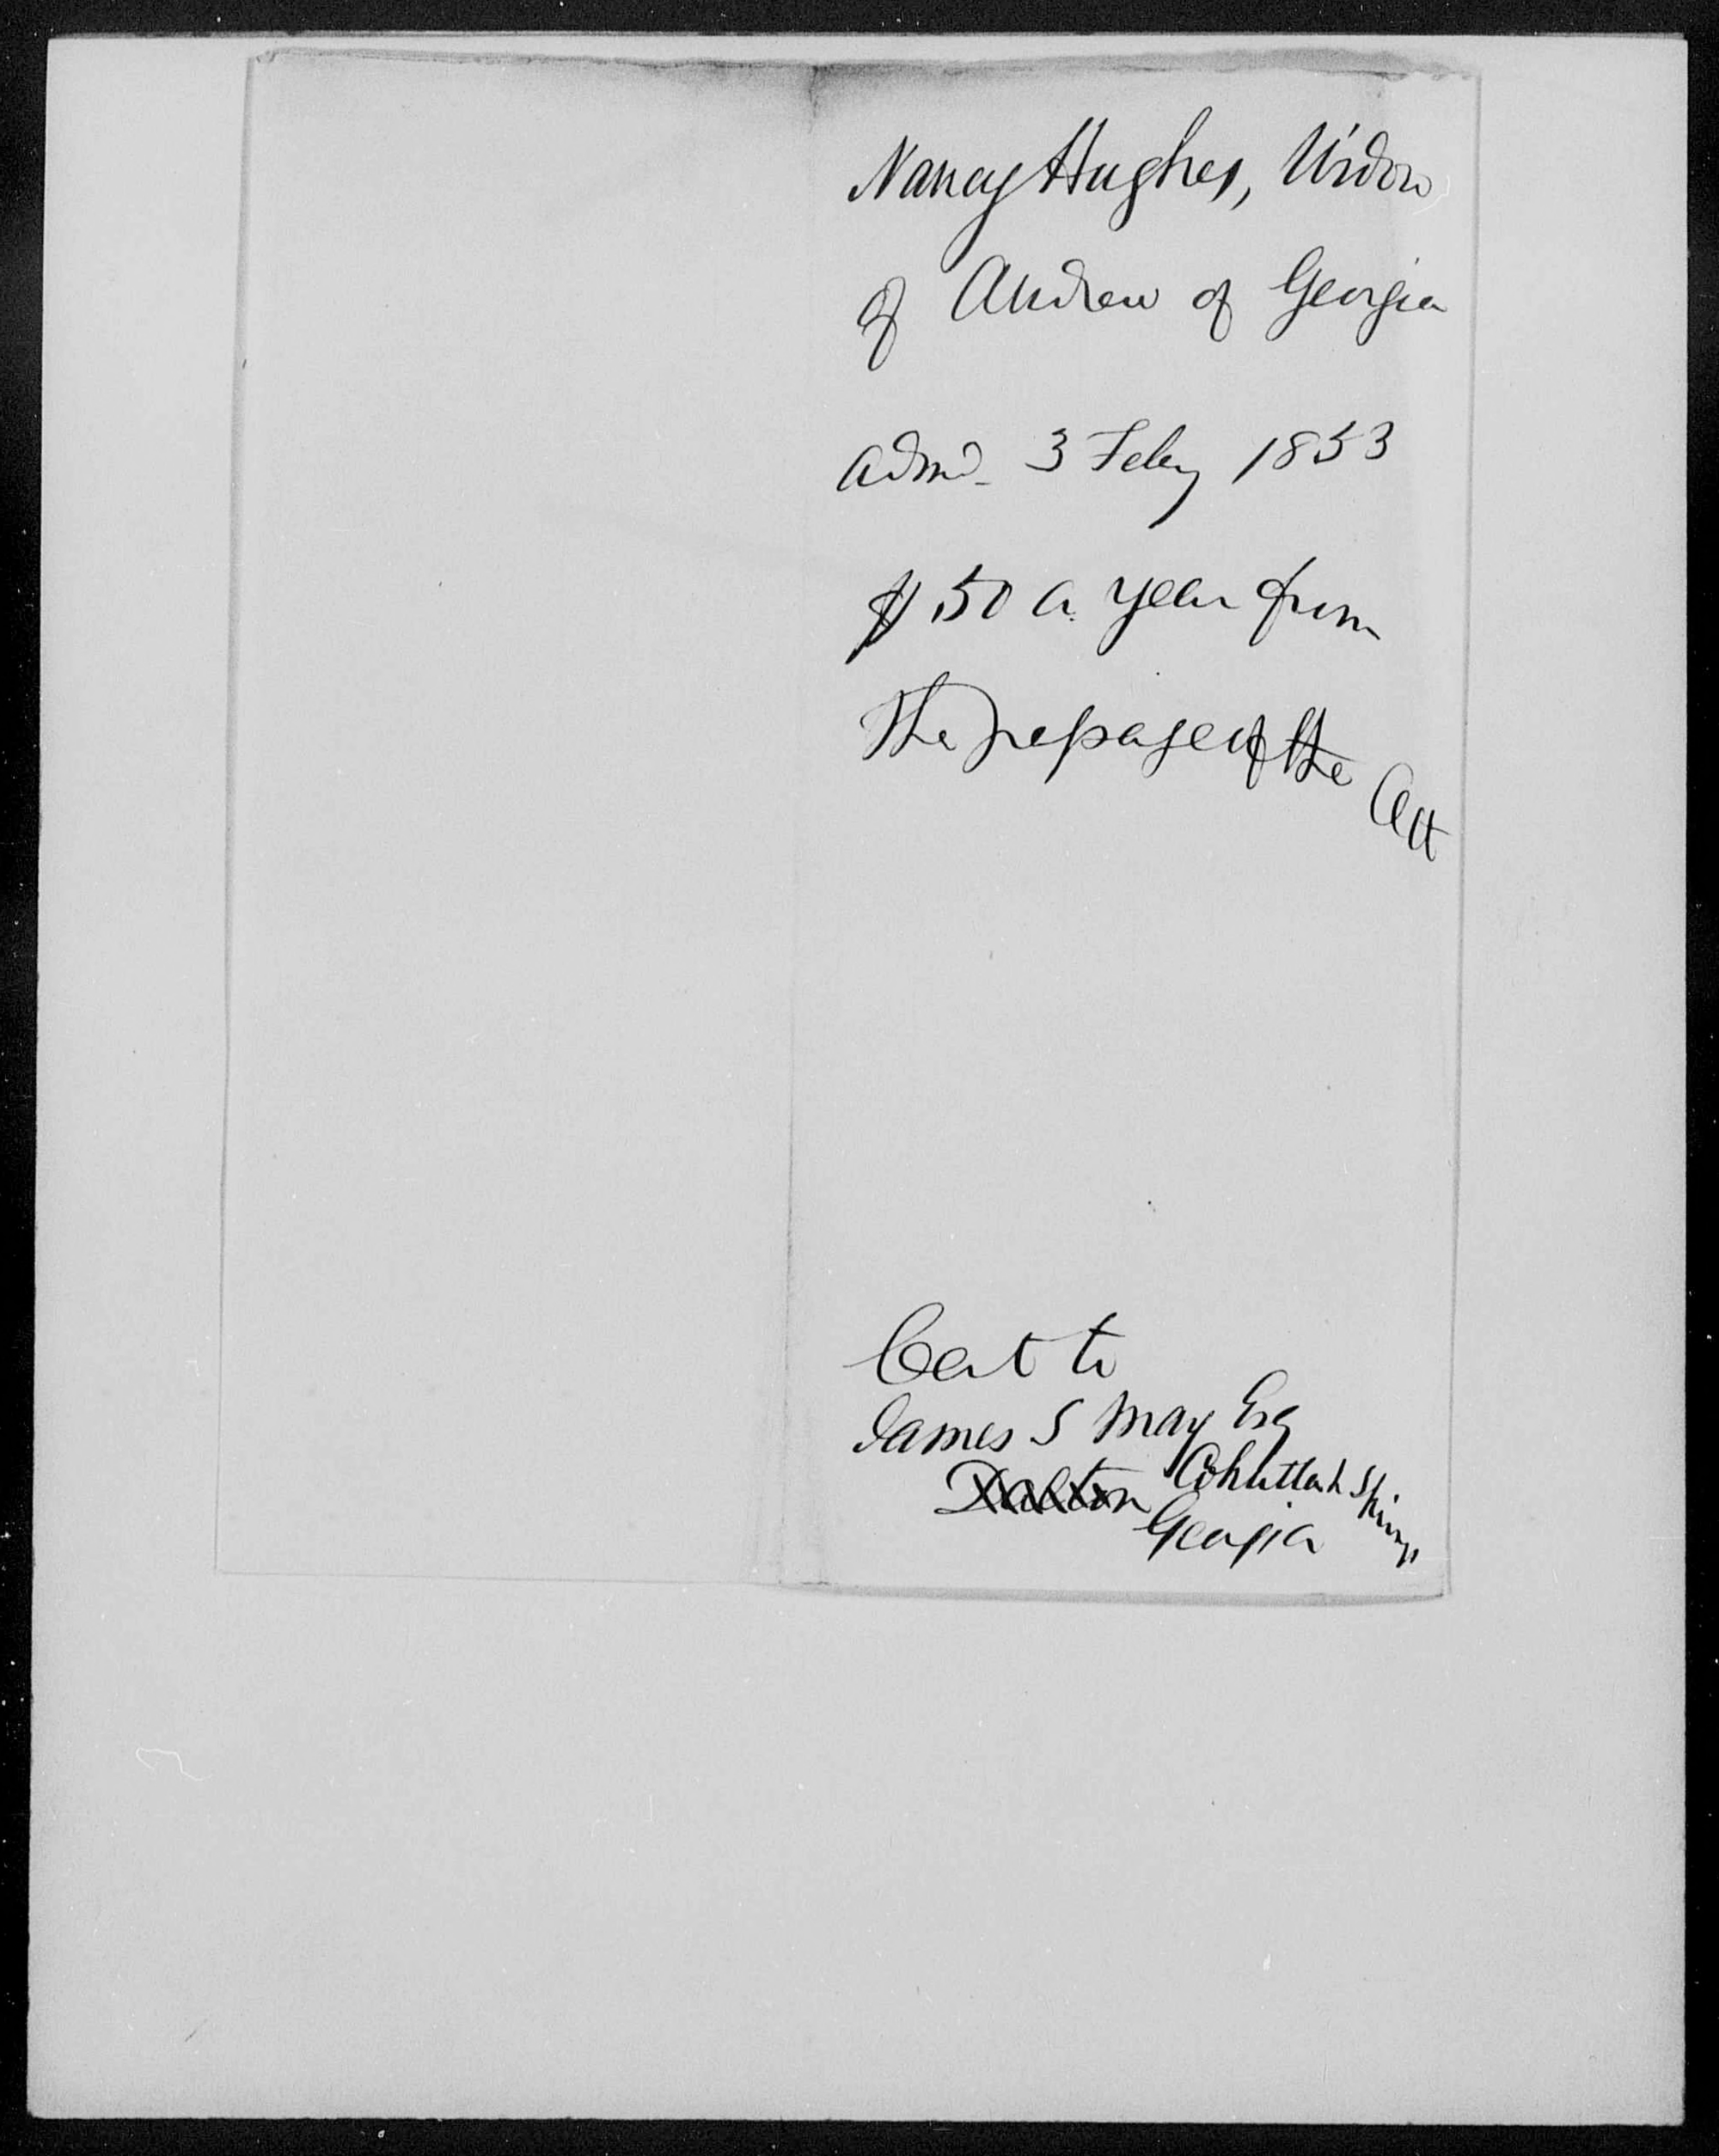Nancy Hughes, Widow of Andrew of Georgia Adm 3 Feby 1853 $50 a year from the [illegible] of the [illegible]

[illegible] to 
James S May Esq  Cohuttah Springs Georgia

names: James S May, Andrew Hughes, Nancy Hughes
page: 39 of 75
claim: widow's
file: W. 25805, Andrew Hughes, N.C.